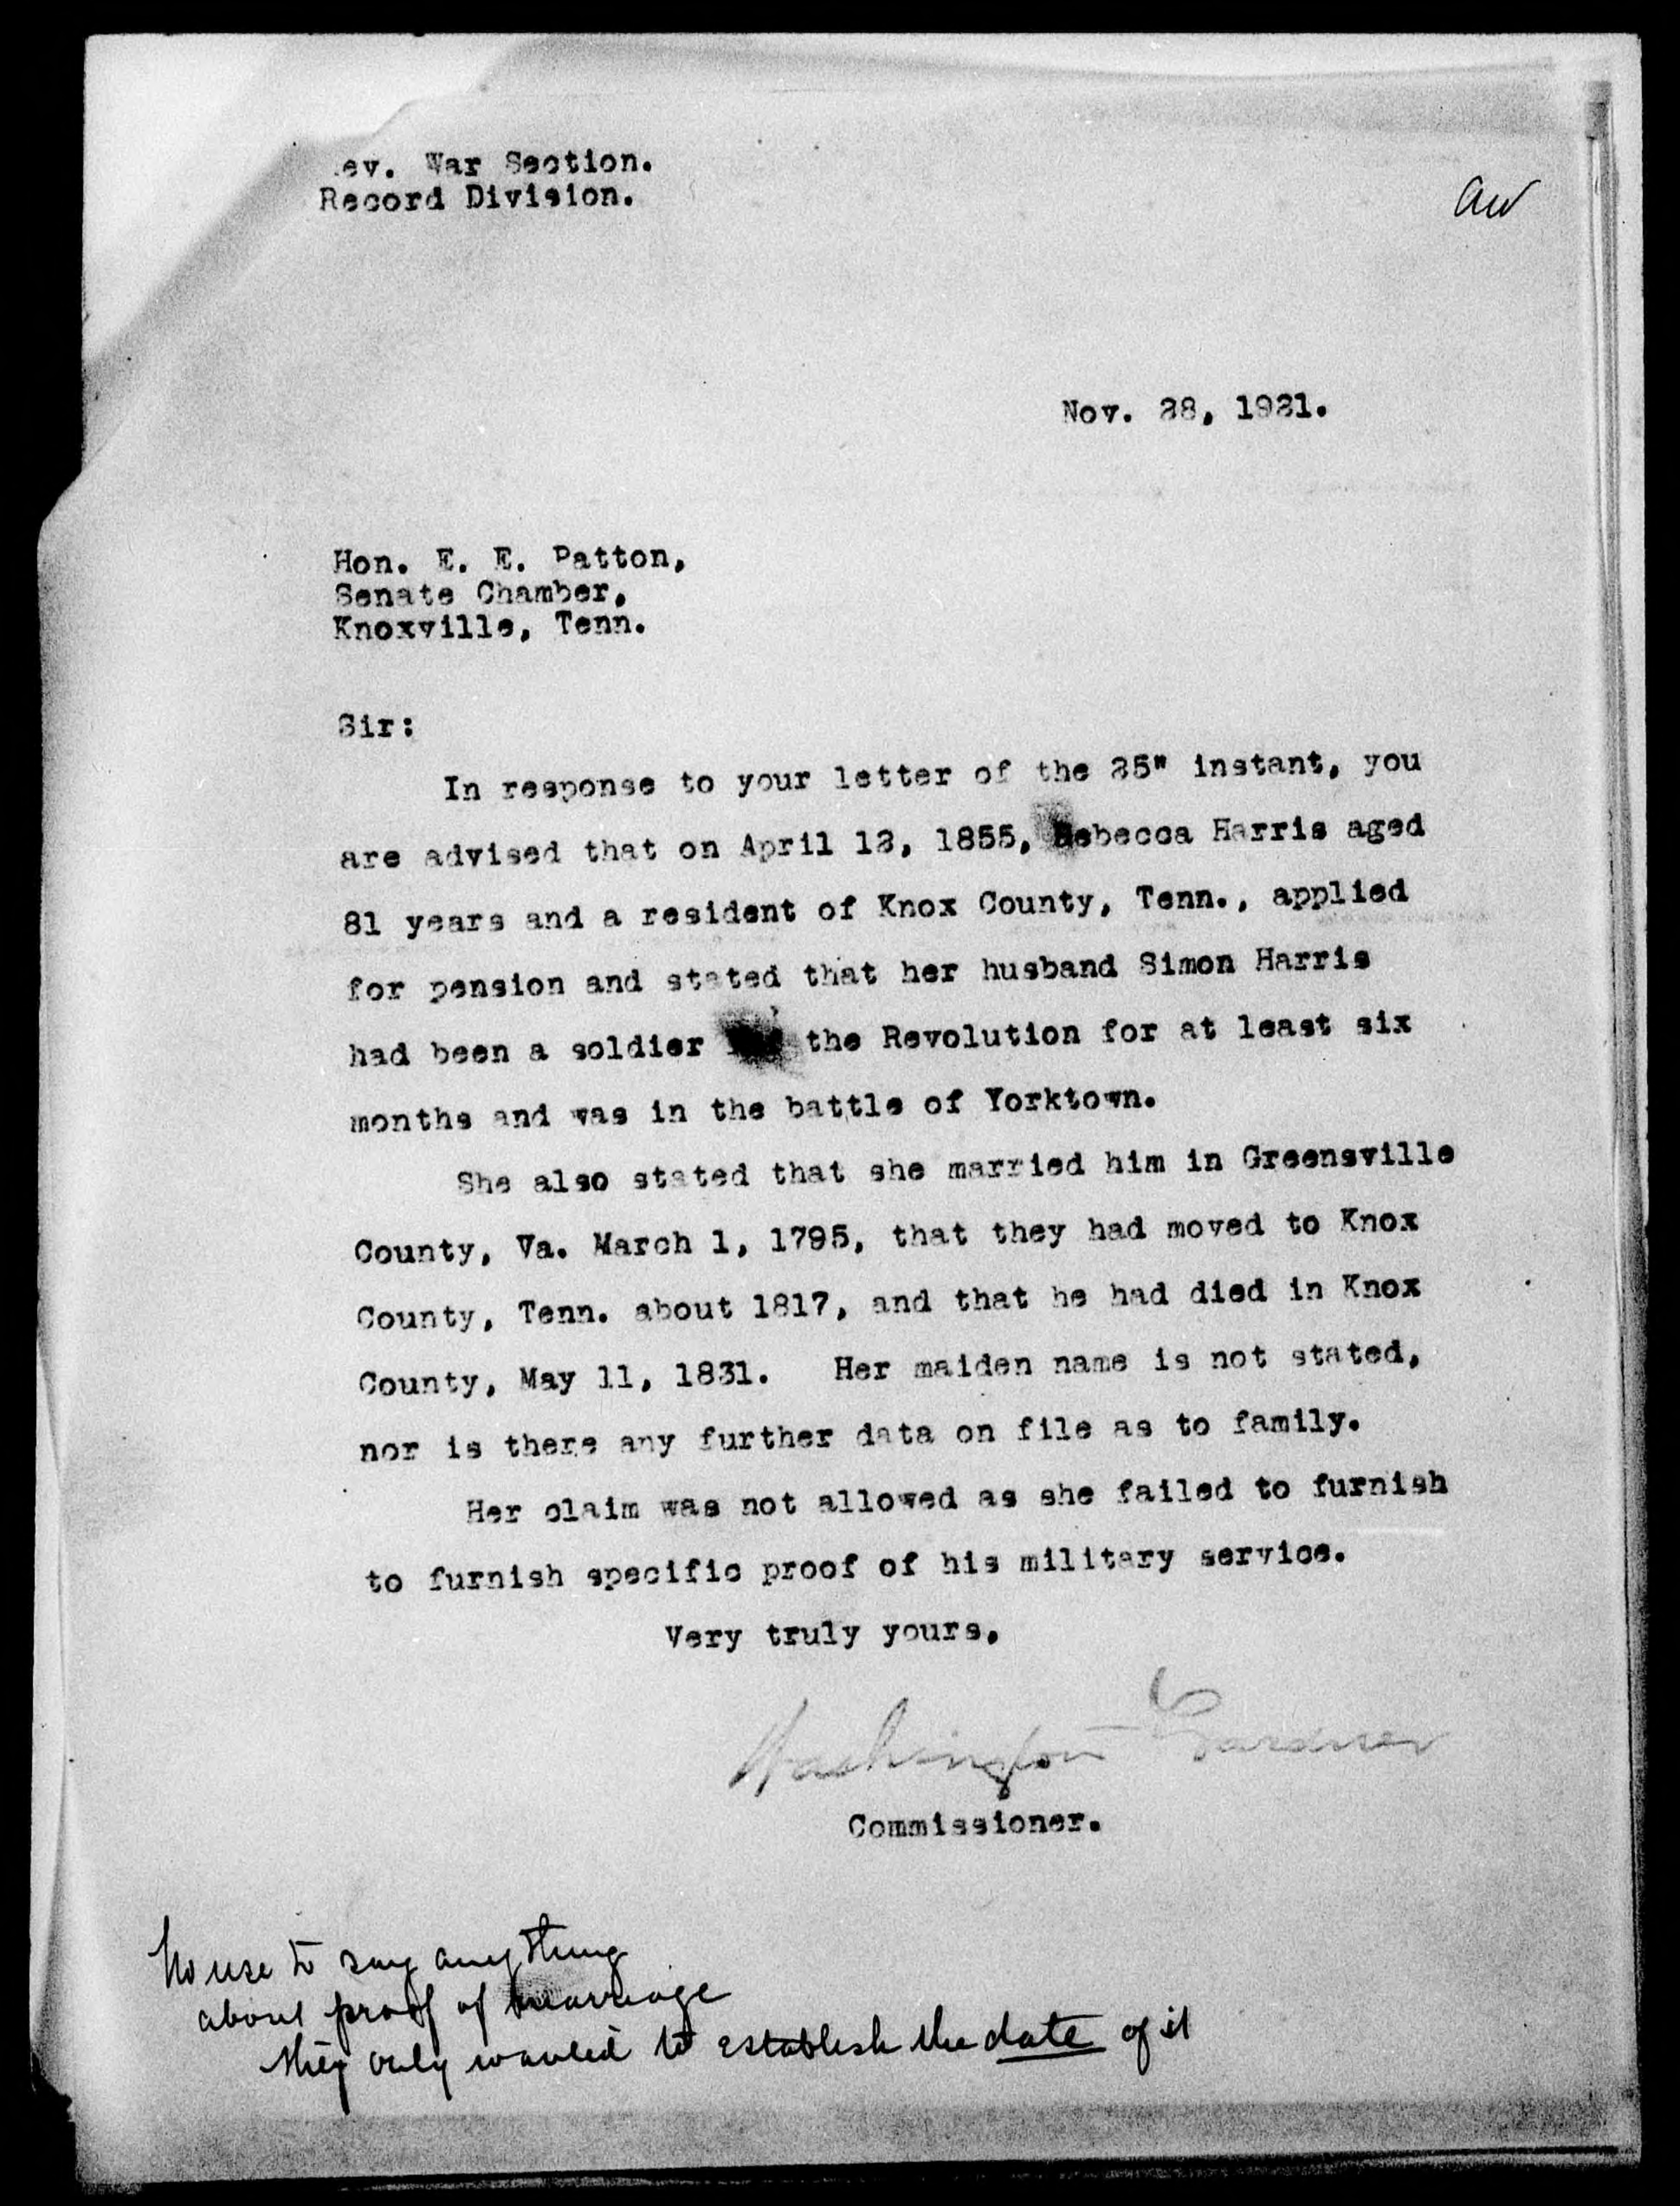(paper torn) ev. War section. 
Record Division                                          AW

Nov. 28, 1921.

Hon. E. E. Patton,
Senate Chamber,
Knoxville, Tenn.

Sir:

In response to your letter of the 25" instant, you are advised that on April 12, 1855, Rebecca Harris aged 81 years and a resident of Knox County, Tenn., applied for pension and stated that her husband Simon Harris has been a soldier in the REvoluation for at least six months and was in the battle of Yorktown.

She also stated that she married him in Greensville County, Va. March 1, 1795, that they had moved to Knox County, Tenn. about 1817, and that he had died in Knox Coun ty, May 11, 1831. Her maiden name is not stated, nor is there any further data on file as to family.

Her claim was not allowed as she failed to furnish to furnish (sic) specific proof of his military service.

Very truly yours, 

Washington Gardner
Commissioner.

No use to say anything about proof of marriage they only wanted to establish the date (underlined) of it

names: Washington Gardner, Rebecca Harris, Simon Harris, E E Patton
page: 15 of 24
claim: rejected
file: R. 4684, Simon Harris, Va.